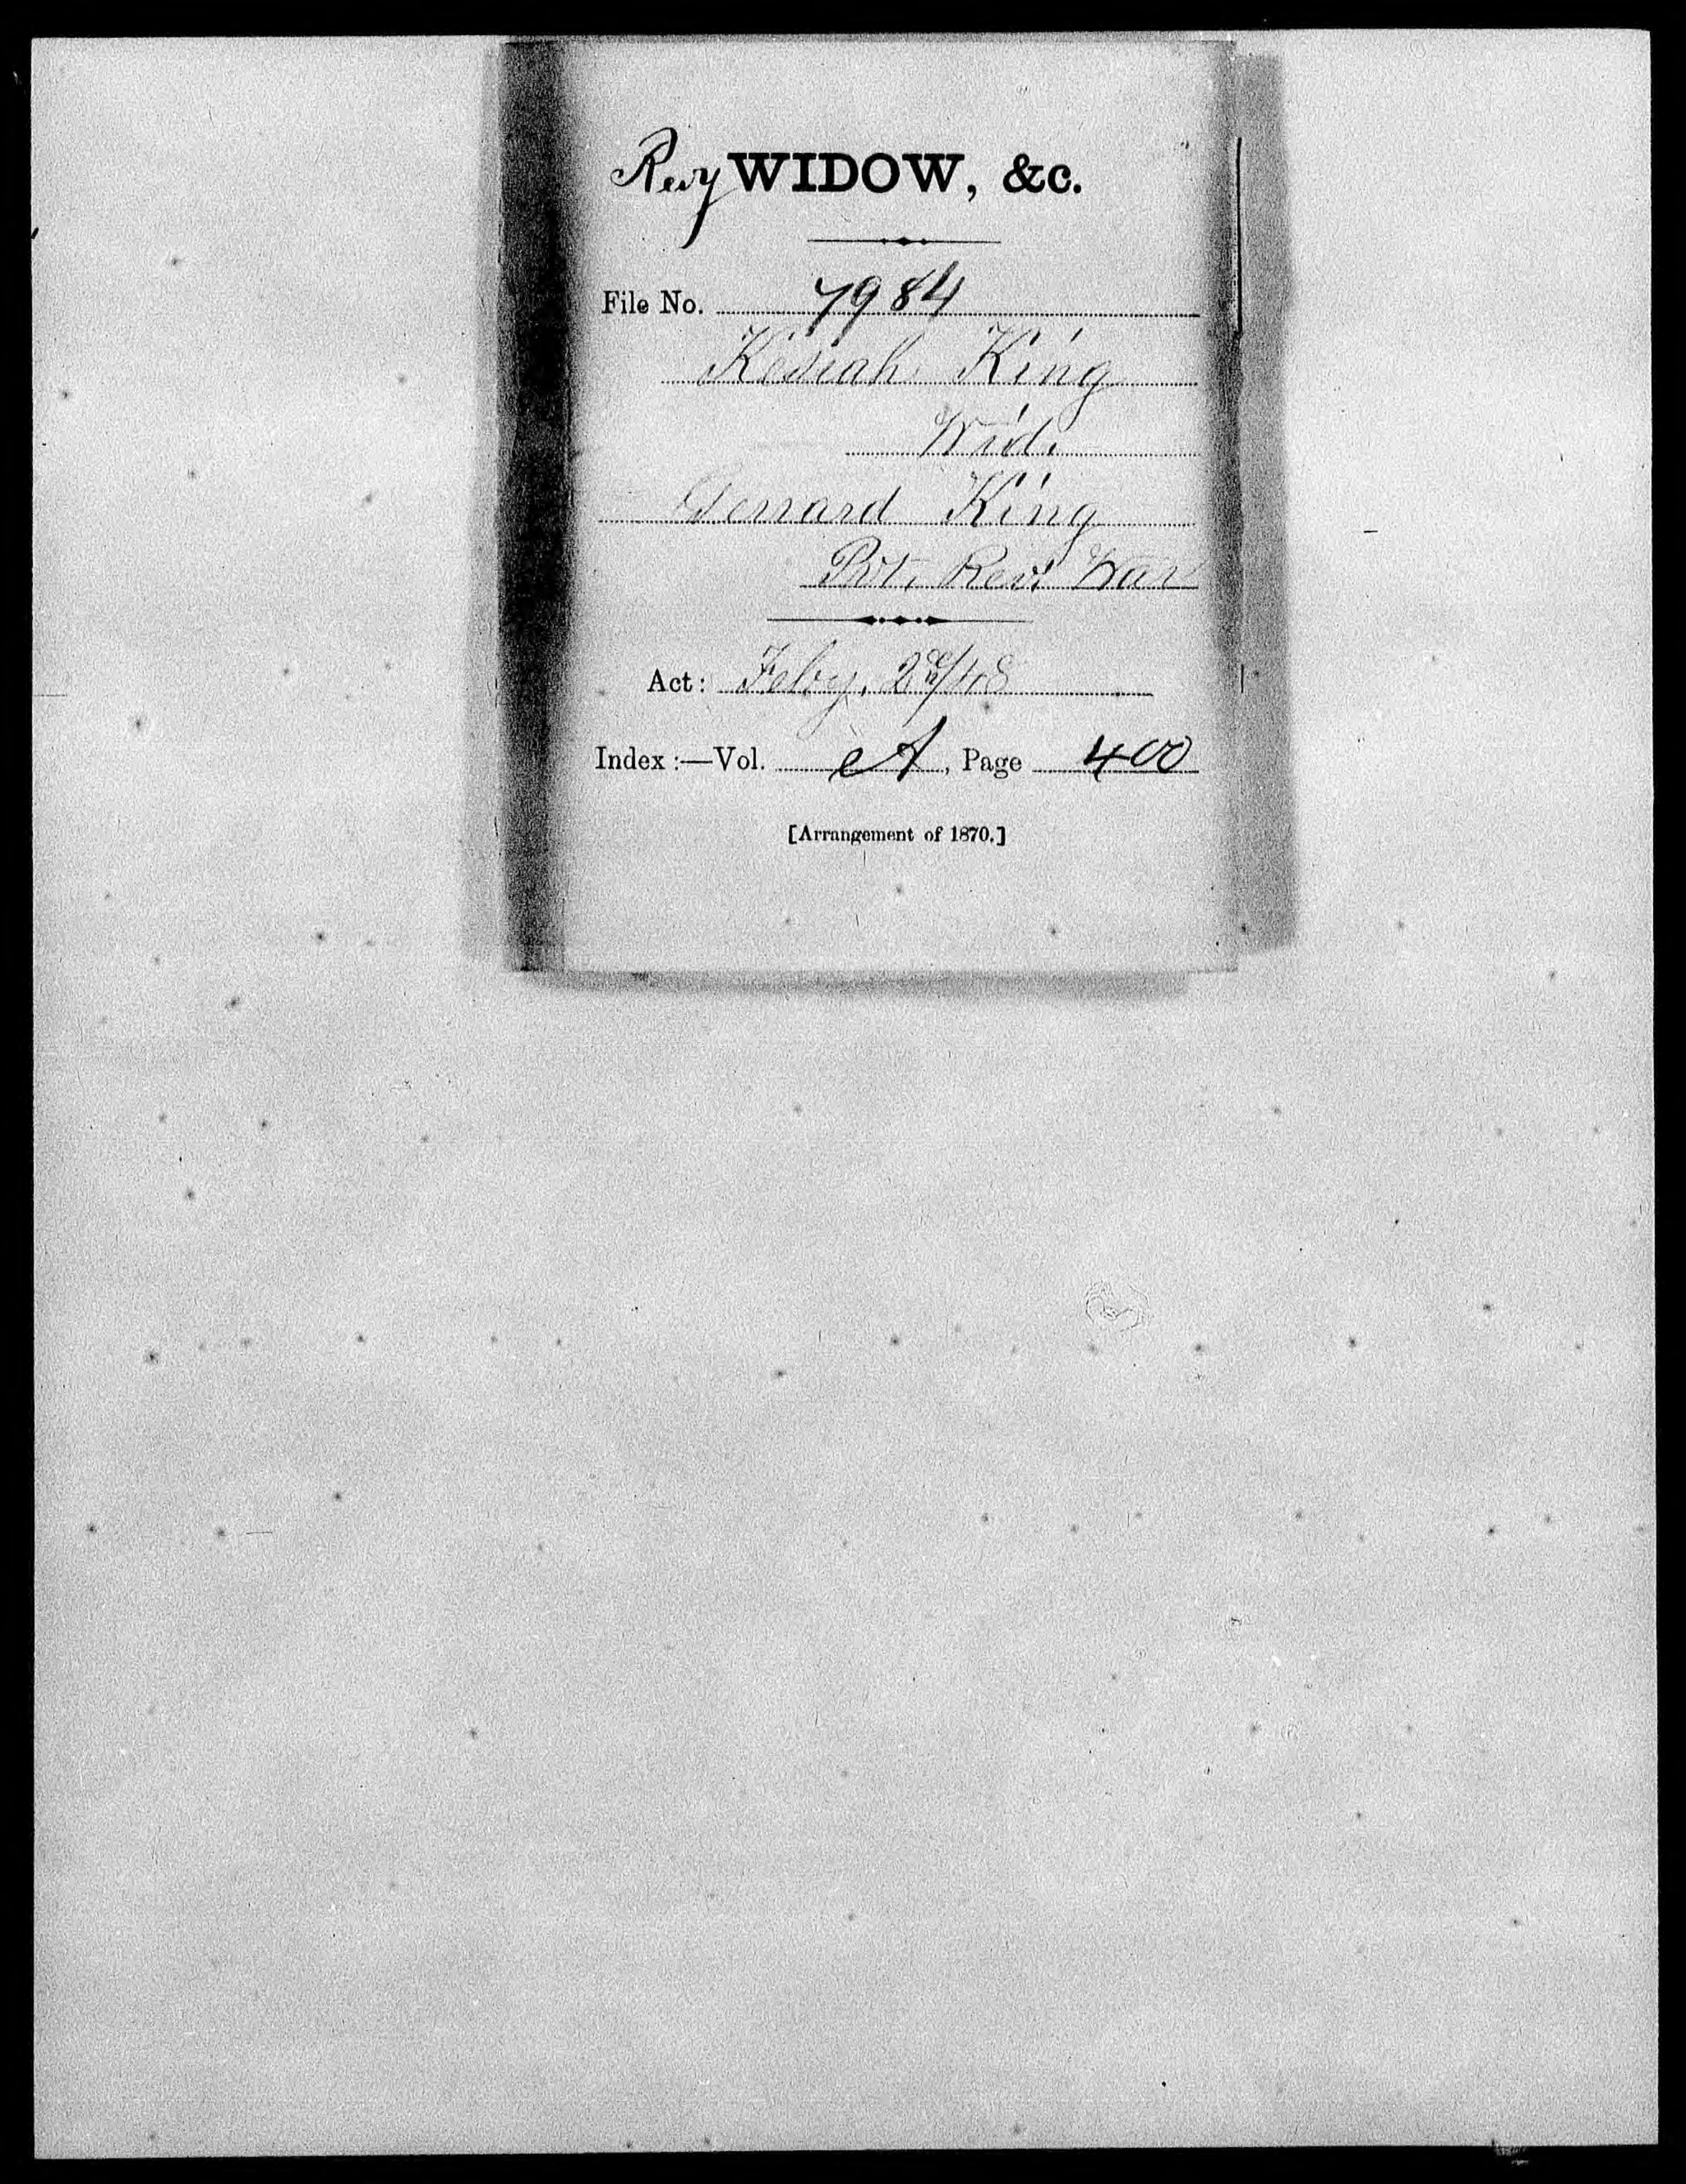Revy 
WIDOW, &c.
File No. 7984
Kesiah King
Wid.
Gerrard King
Pvt Rev War
Act: Feby 29 [18]48
Index:- Vol. A, Page 400

[Arrangement of 1870.]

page: 27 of 45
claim: widow's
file: W. 7984, for Gerrard King, Virginia